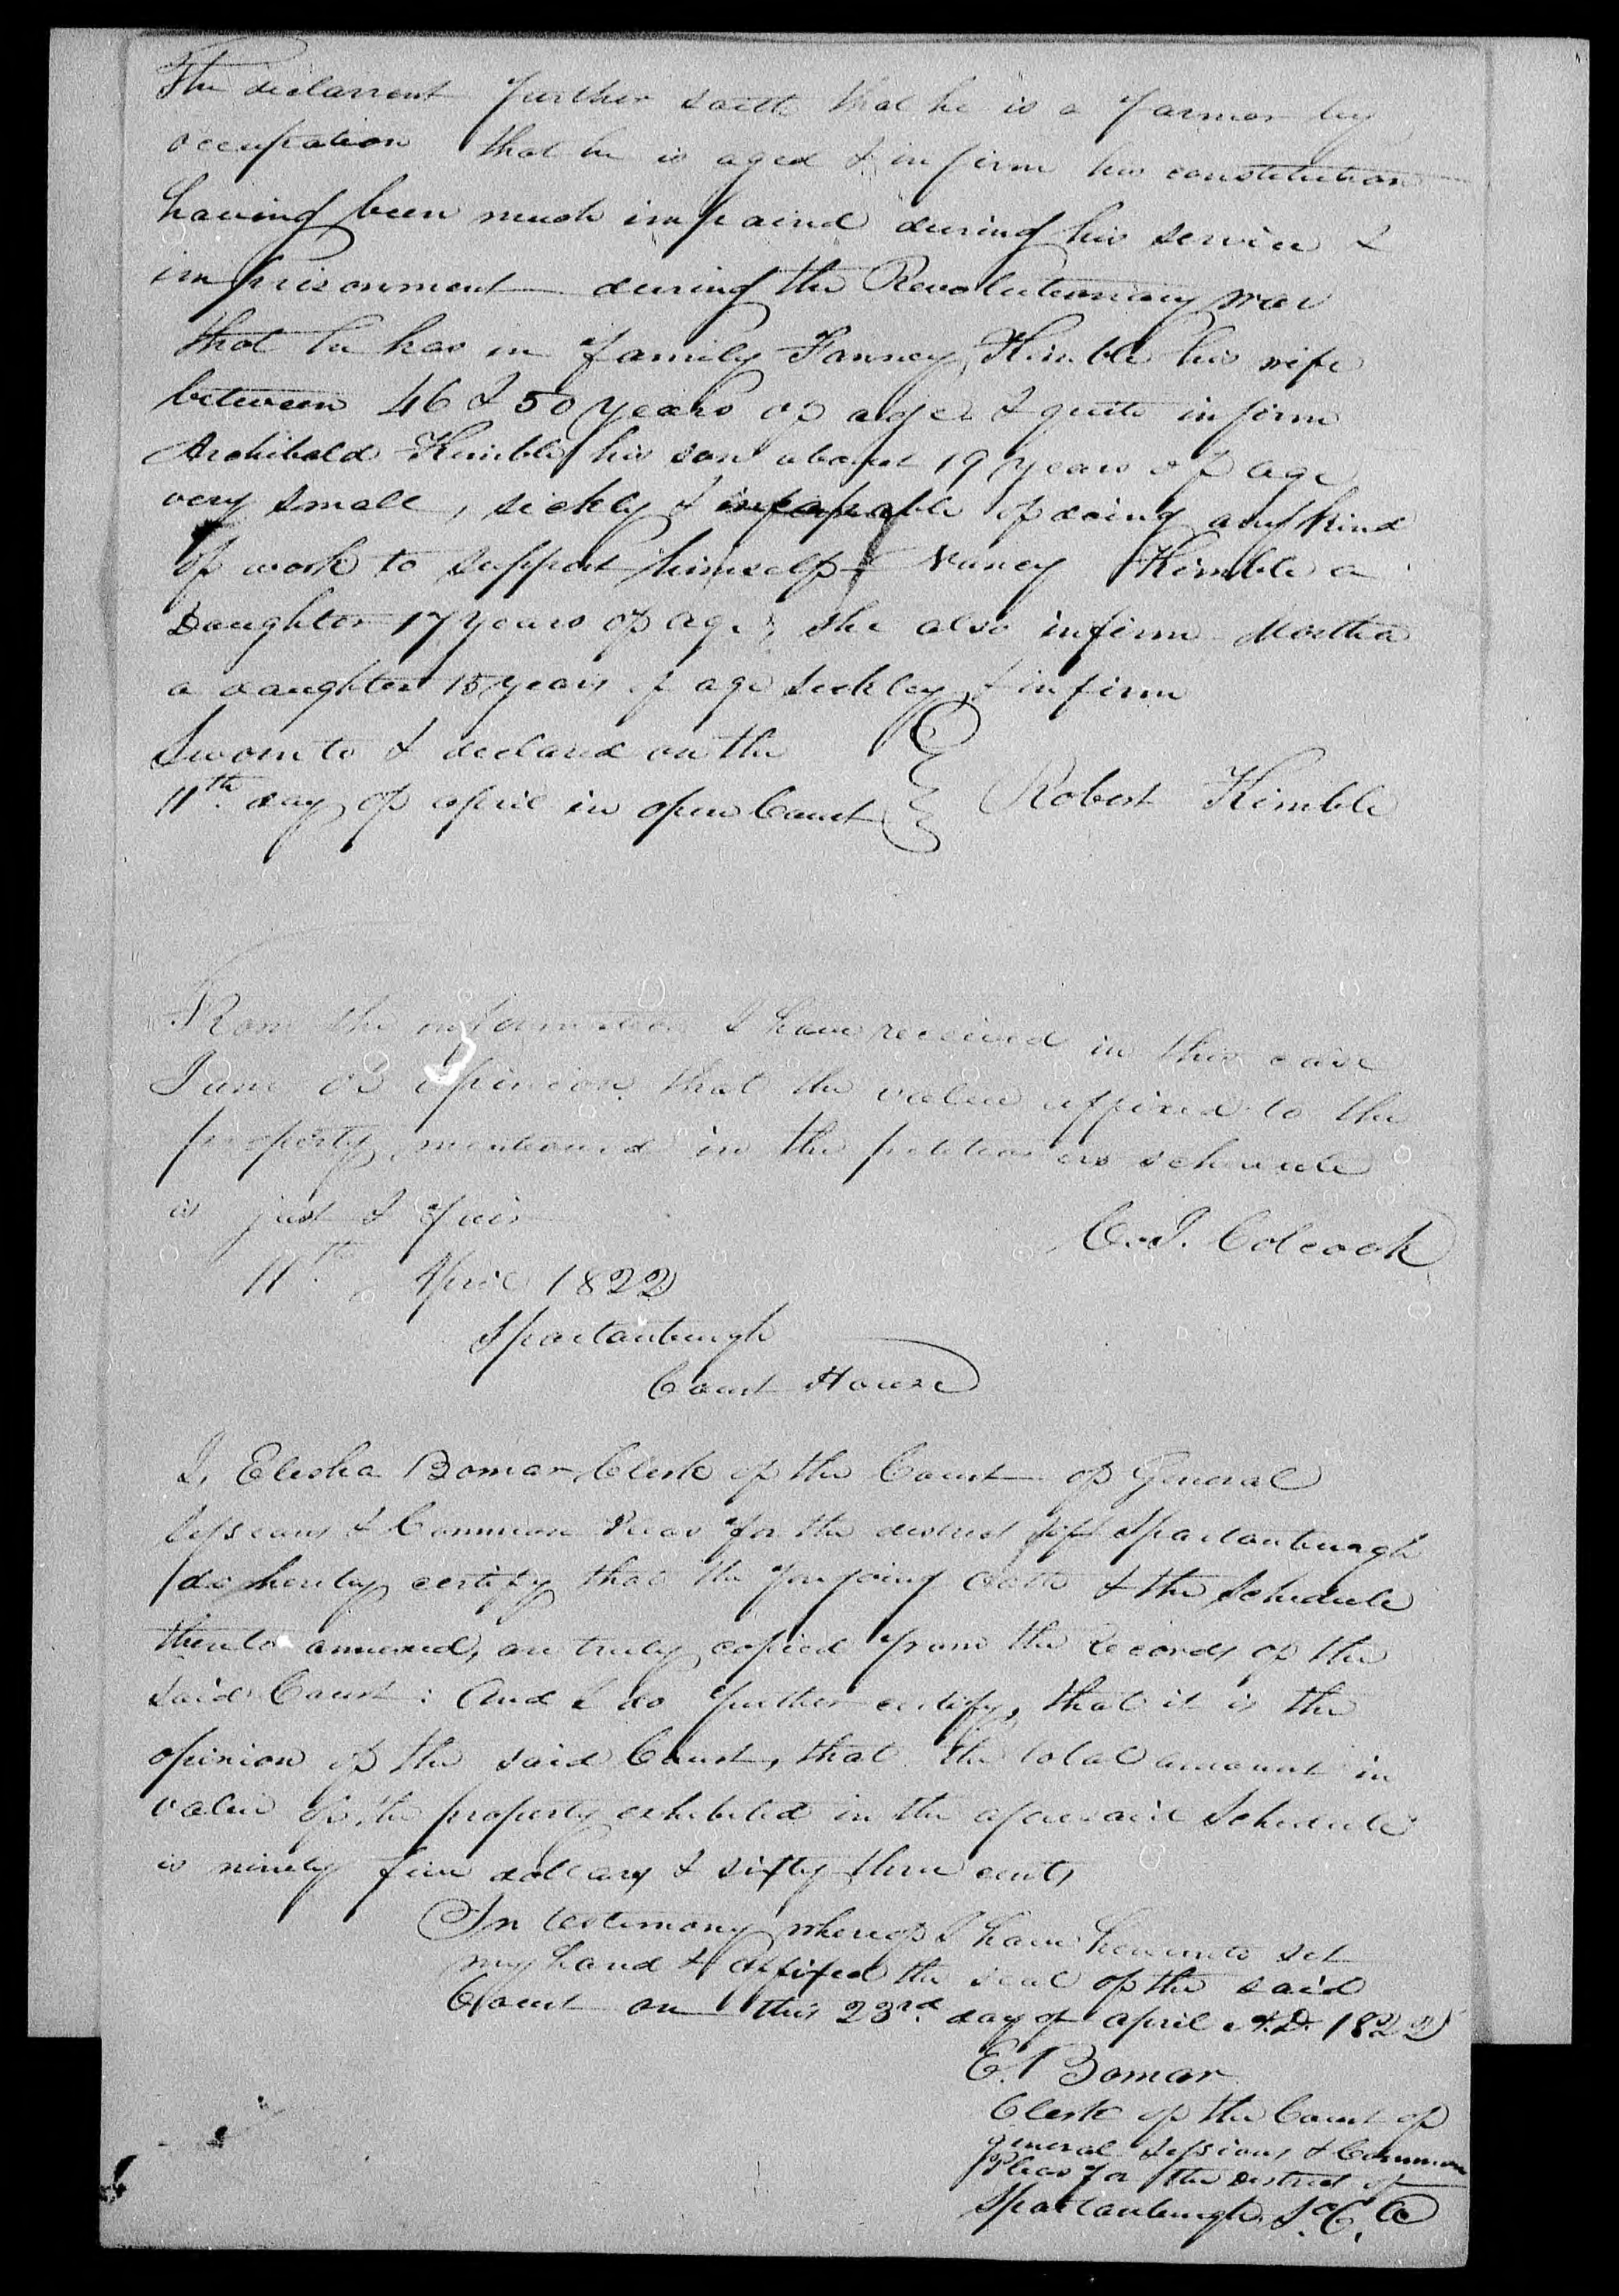The declarant further saith that he is a farmer by
occupation that he is aged & infirm his constitution having been much impaired during his service & imprisonment during the Revolutionary War that he has in family Fanney Kimble his wife between 46 & 50 years of age & quite infirm Archibald Kimble his son about 19 years of age very small, sickly & incapable of doing any kind of work to support himself Nancy Kimble a Daughter 17 years of age, she also infirm Martha a daughter 15 years of age sickly & infirm
Sworn to & declared on the}
11th day of April in open Court} Robert Kimble

From the information I have received in this case I am of Opinion that the value affixed to the property mentioned in the petition and schedule is just & fair C. J. Colcock
11th April 1822
Spartanburgh
Court House

I, Elisha Bomar Clerk of the Court of General Sessions & Common Pleas for the district of Spartanburgh do hereby certify that the foregoing oath & the Schedule thereto annexed, are truly copied from the Records of the Said Court: And I do further certify that it is the opinion of the said Court, that the total amount in value of the property exhibited in the aforesaid Schedule is ninety five dollars & sixty three cents
In testimony whereof I have hereunto set
my hand & affixed the seal of the said
Court on this 23rd. day of April A.D. 1822
E. Bomar
Clerk of the Court of
quarter sessions & Common
Pleas for the District of
Spartanburgh So. Ca.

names: Elisha Bomar; Fanney Kimble; Robert Kimble; C J Colcock; Nancy Kimble; Archibald Kimble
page: 9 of 9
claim: survivor's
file: S. 38896, for Robert Kimble, Virginia